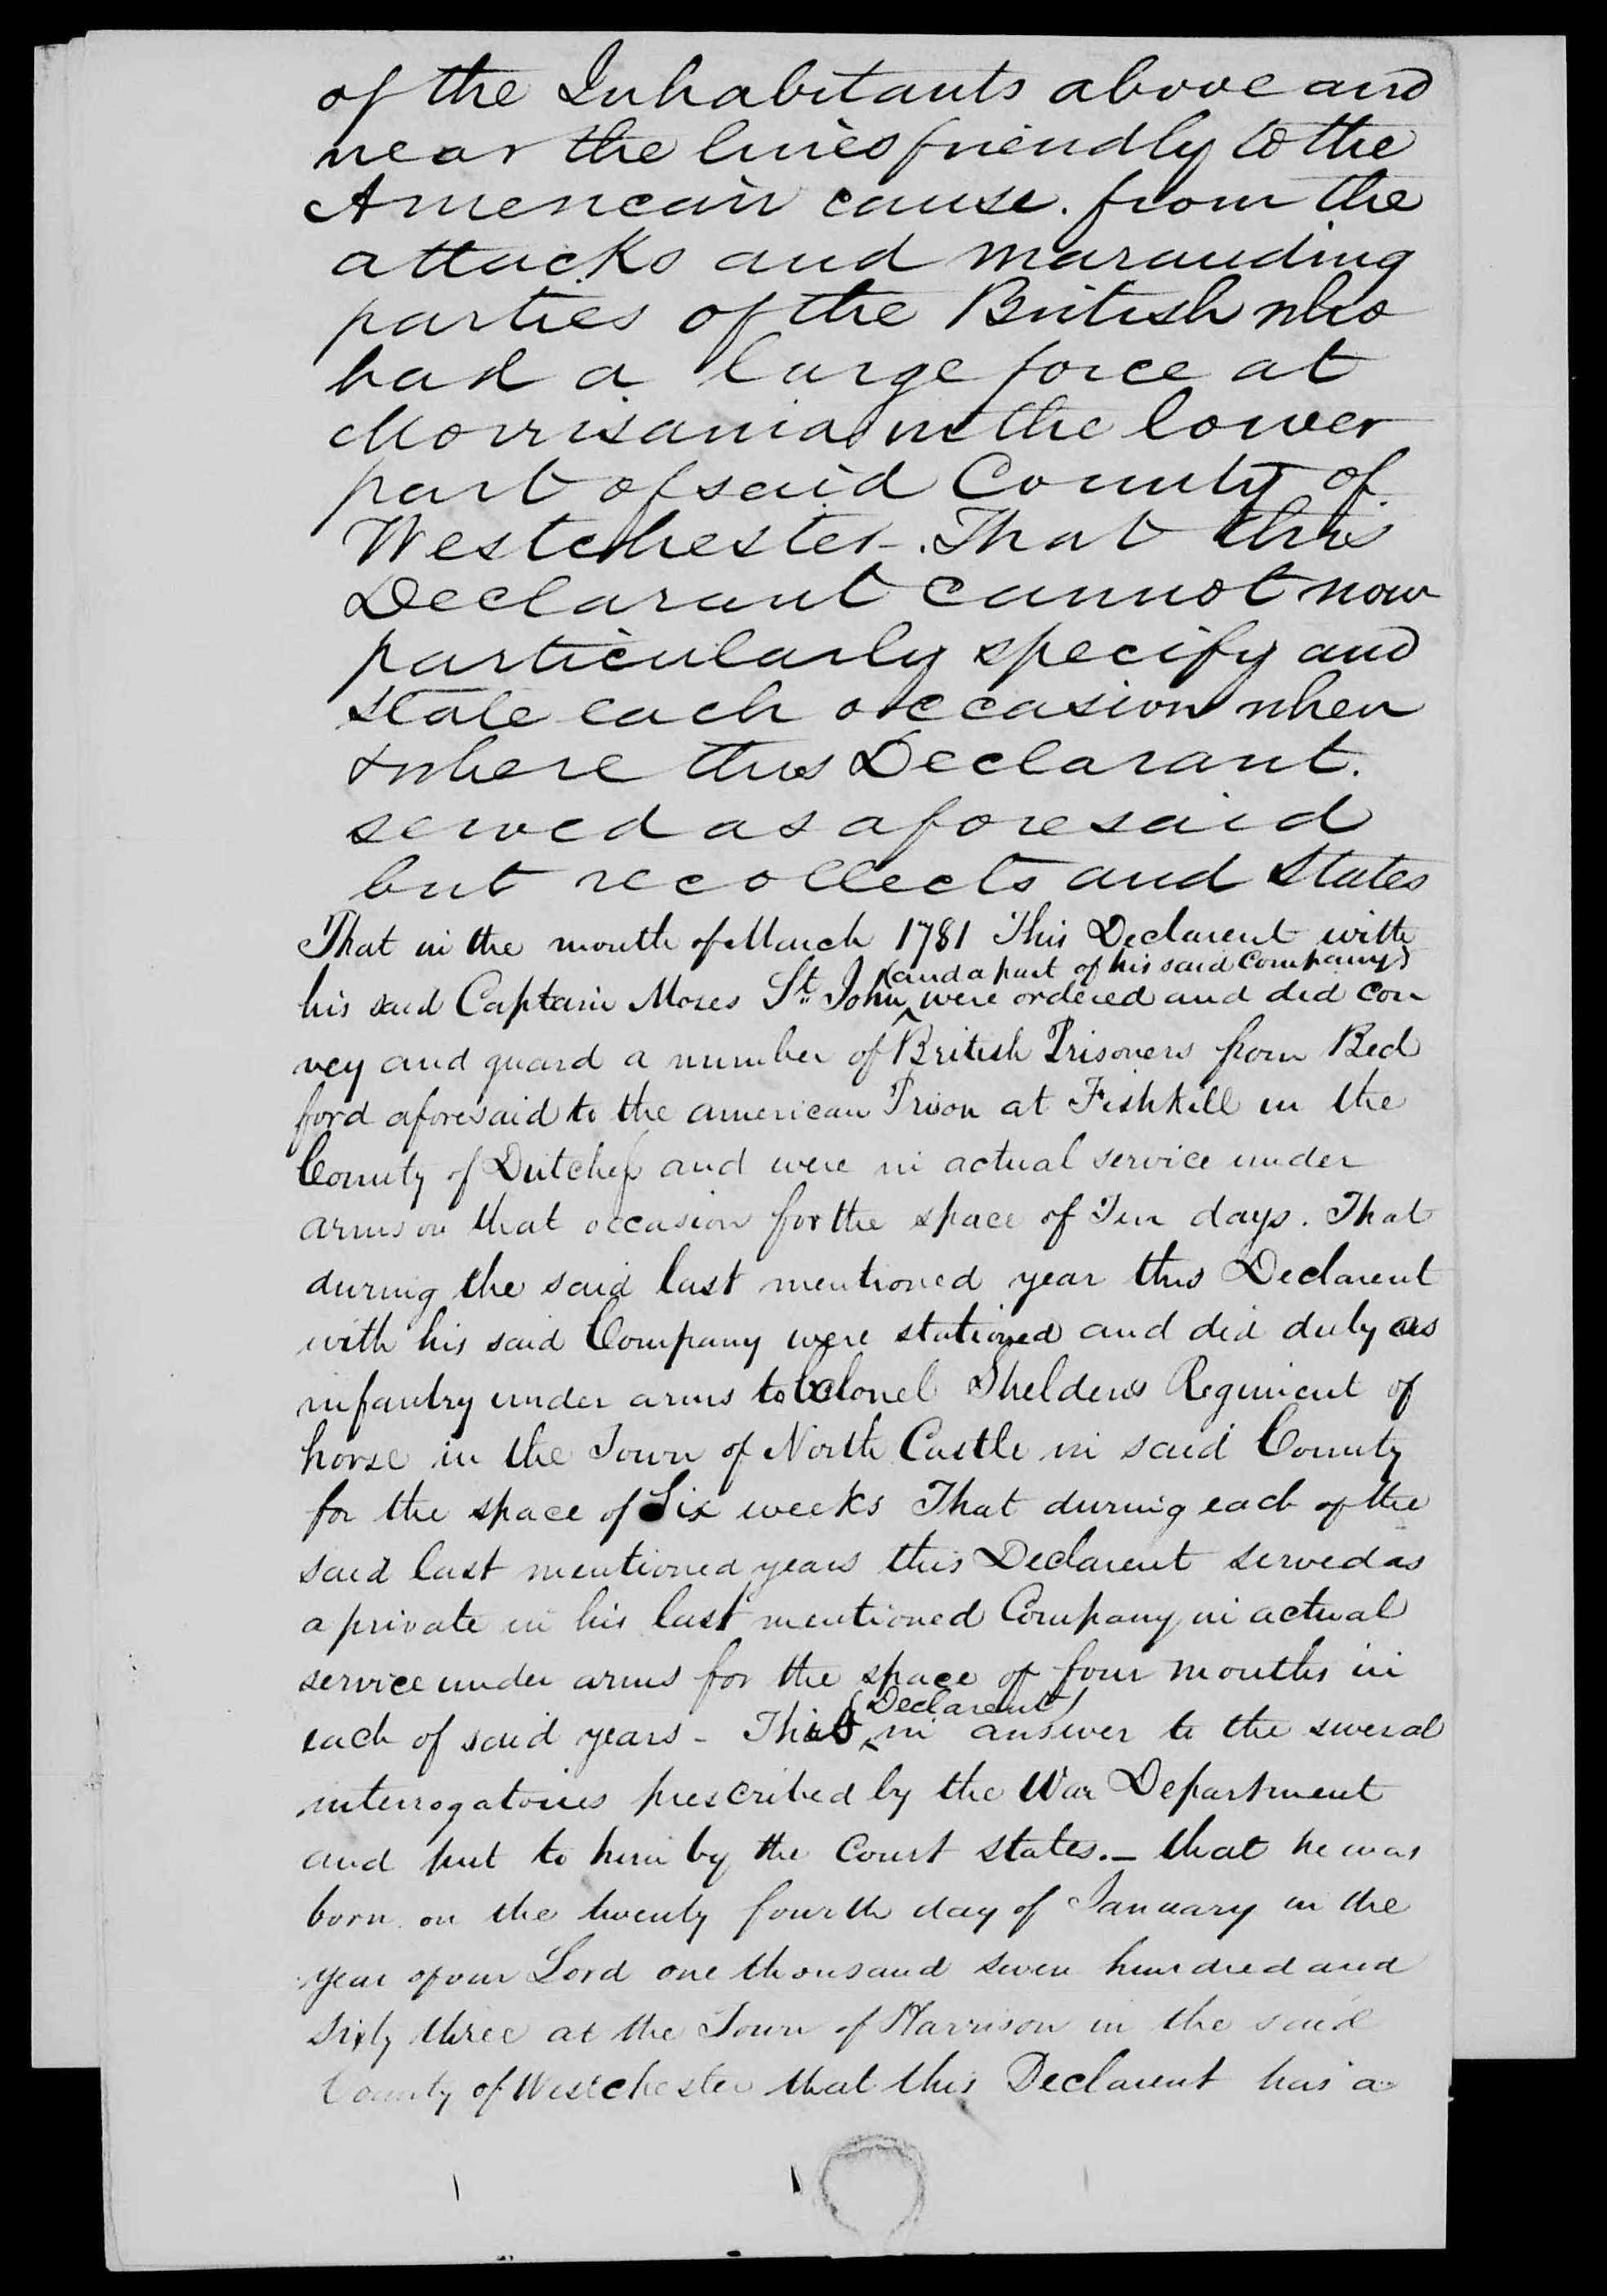of the Inhabitants above and near the lines friendly to the American cause from the attacks and marauding parties of the British who had a large force at Morrisania in the lower part of said County of Westchester. That this Declarant cannot now particularly specify and State each occasion when & where this Declarant served as aforesaid but recollects and states 
That in the month of March 1781 This Declarent with his said  Captain Moses St. John ^(and a part of his said Company) were ordered and did convey and guard a number of British Prisoners from Bedford aforesaid to the American Prison at Fishkill in the County of Dutchess and were in actual service under arms on that occasion for the space of Ten days. That during the said last mentioned year this Declarent with his said Company were stationed and did duty as infantry under arms to Colonel Sheldens Regiment of horse in the Town of North Castle in said County for the space of Six weeks That during each of the said last mentioned years this Declarent served as a private in his last mentioned Company in actual service under arms for the space of four months in each of said years. This ^Declarent in answer to the several interrogatories prescribed by the War Department and put to him by the Court states. - that he was born on the twenty fourth day of January in the year of our Lord one thousand seven hundred and sixty three at the Town of Harrison in the said County of Westchester, that this Declarant has a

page: 9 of 33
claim: rejected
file: R. 7,063, for Elisha B Maynard, New York